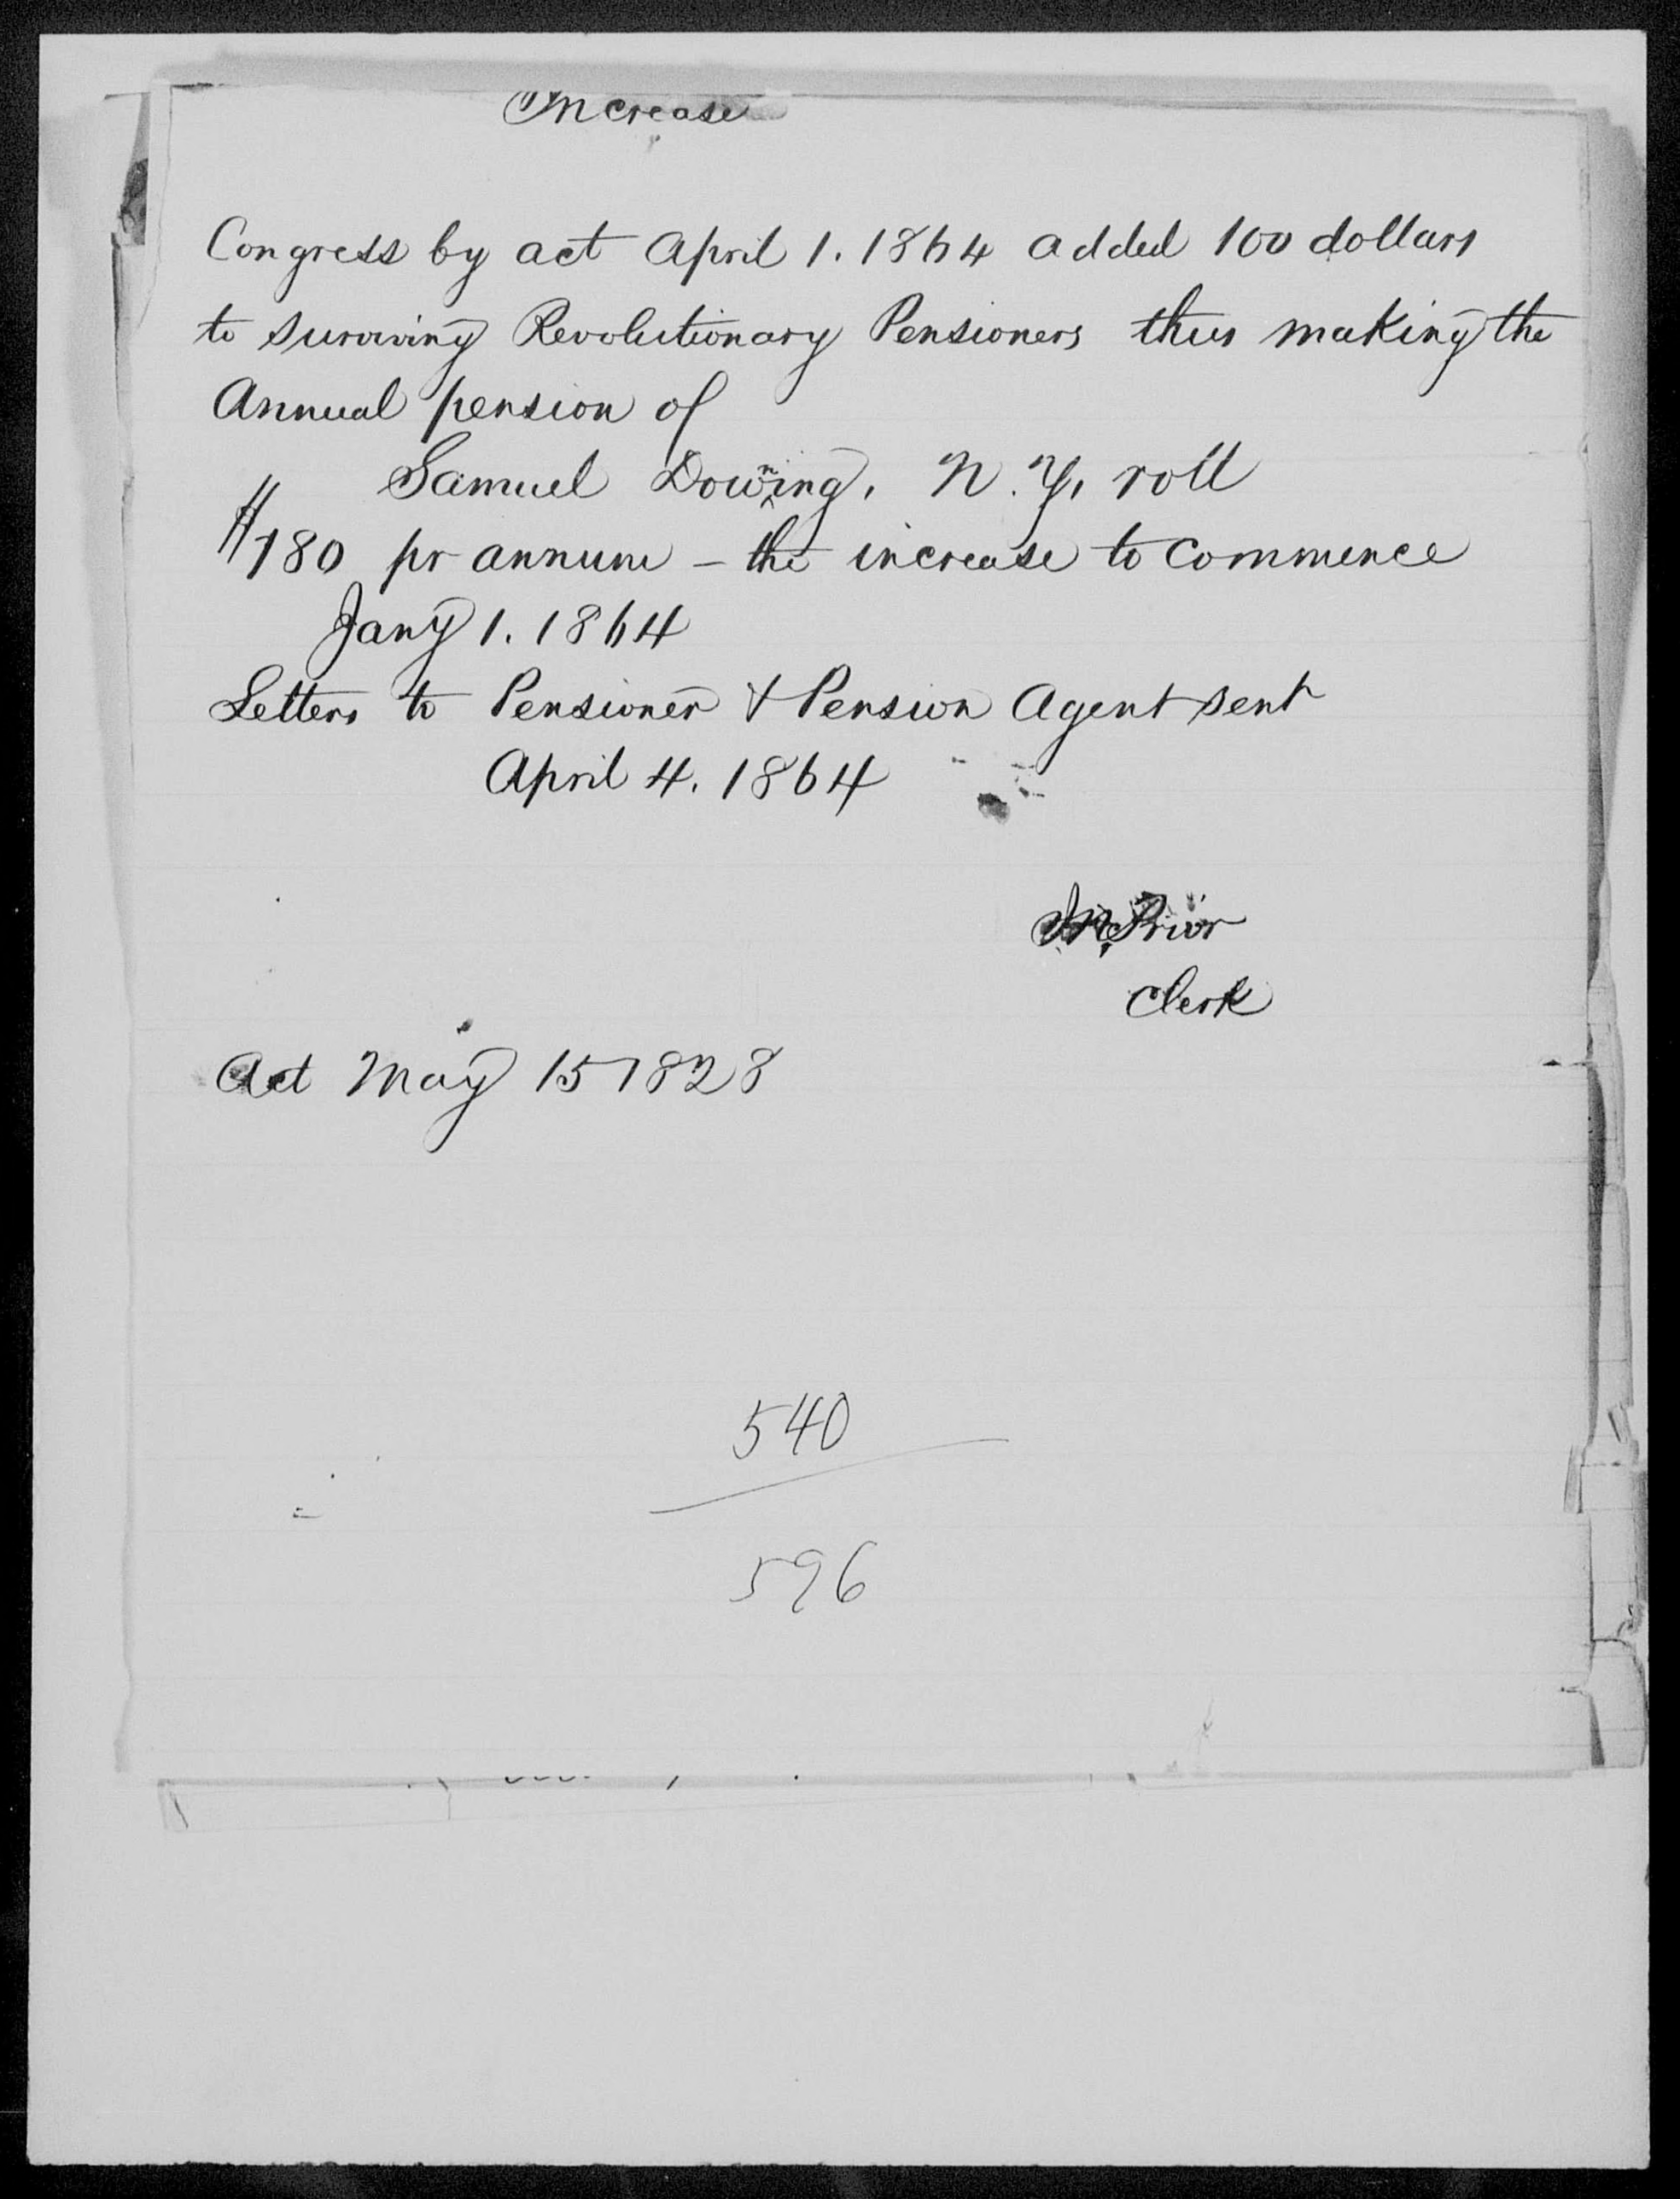Increase
Congress by act April 1. 1864 added 100 dollars
to surviving Revolutionary Pensioners thus making the
Annual pension of
Samuel Downing, N.Y. roll
$180 pr annum - the increase to commence
Jany 1. 1864
Letters to
Pensioner & Pension Agent sent
April 4, 1864
Act May 15 1828
Ira prior
Clerk
540
596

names: Ira Prior, Samuel Downing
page: 56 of 56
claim: survivor's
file: S. 40,055, Samuel Downing, N.H.